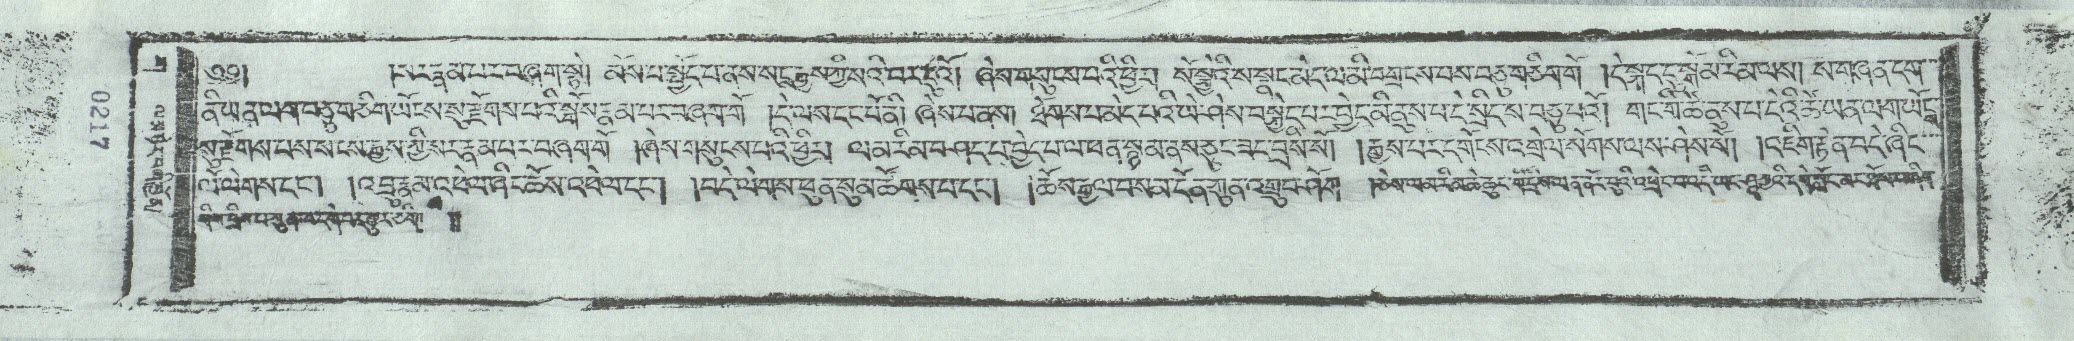༄༅། །སར་རྣམ་པར་བཞག་སྟེ། མོས་པ་སྦྱོང་བ་ནས་སངས་རྒྱས་ཀྱི་སའི་བར་དུའོ། ཞེས་གསུངས་པའི་ཕྱིར། སོ་སྐྱེའི་ས་སྣང་མེད་ལ་མི་བགྲངས་པས་བཅུ་གཅིག་གོ །དེ་སྐད་དུ་སྒོམ་རིམ་ལས། ས་གཞན་དག་
ནི་ཡན་ལག་བཅུ་གཅིག་ཡོངས་སུ་རྫོགས་པའི་སྒོས་རྣམ་པར་བཞག་གོ །དེ་ལས་དང་པོ་ནི། ཞེས་པ་ནས། ཐོགས་པ་མེད་པའི་ཡེ་ཤེས་བསྐྱེད་པར་བྱེད་མི་ནུས་པ་དེ་སྲིངས་བཅུ་པའོ། གང་གི་ཚེ་ནུས་པ་དེའི་ཚ་ཡན་ལག་ཡོངས་
སུ་རྫོགས་པས་སངས་རྒྱས་ཀྱི་སར་རྣམ་པར་བཞག་གོ །ཞེས་གསུངས་པའི་ཕྱིར། ལམ་རིམ་བཤད་པ་བྱེད་པ་ལ་ཕན་སྙམ་ནས་ཅུང་ཟད་བྲིས་སོ། །རྒྱས་པར་དགོངས་འགྲེལ་སོགས་ལས་ཤེས་སོ། །འཇིག་རྟེན་བདེ་ཞིང་
ལོ་ལེགས་དང་། །འབྲུ་རྣམ་འཕེལ་ཞིང་ཆོས་འཕེལ་དང་། །བདེ་ལེགས་ཕུན་སུམ་ཚོགས་པ་དང་། །ཆོས་རྒྱལ་བསམ་དོན་ཀུན་འགྲུབ་ཤོག །ཅེས་ལམ་རིམ་ཆེ་ཆུང་གི་དྲིས་ལན་ནོར་བུའི་འཕྲེང་བ་འདི་ཡང་ཤཱཀྱའི་དགེ་སློང་མང་ཐོས་བཞིན་
གིས་བྲིས་བཀུན་ལ་དགེ་བར་གྱུར་ཅིག།། །།